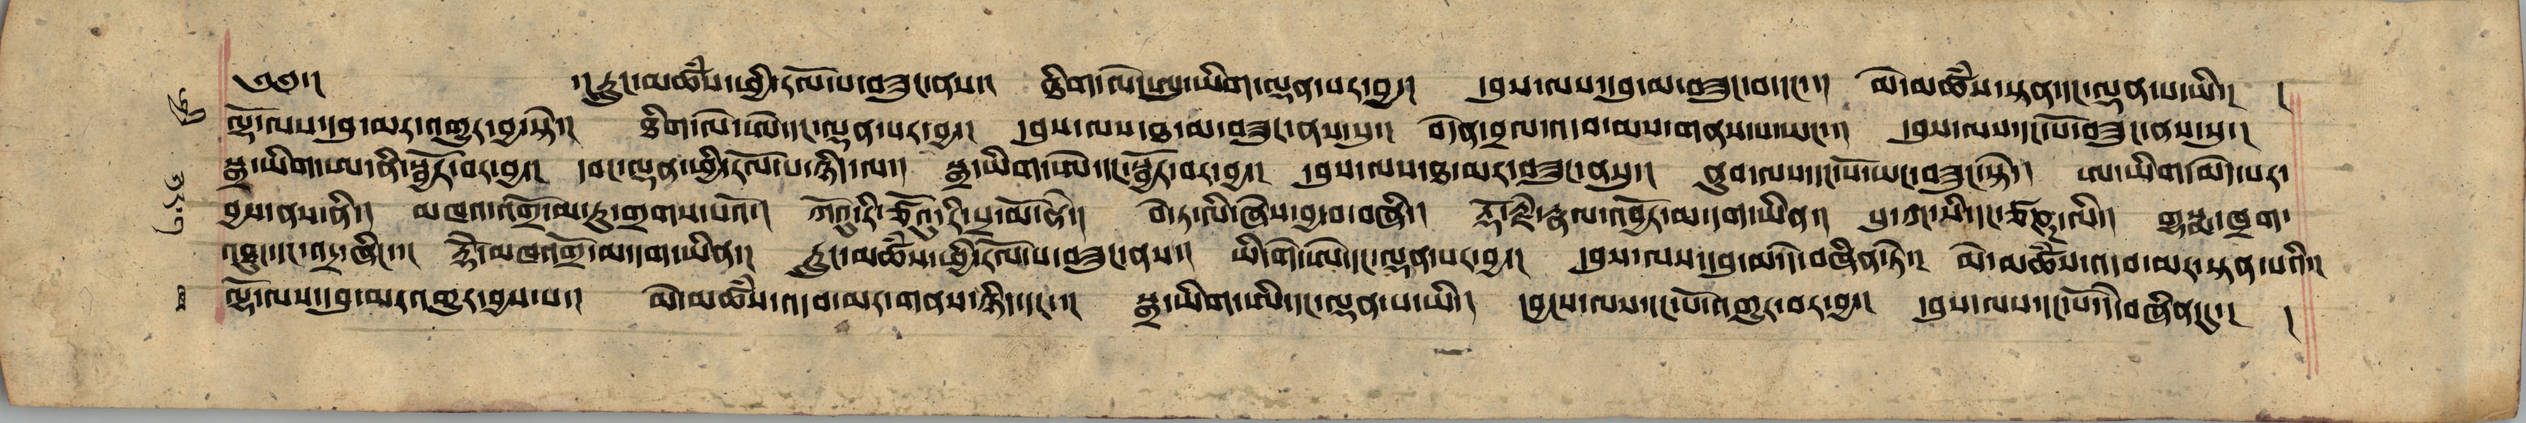༄༅་། ་།རླུང་མཚཾས་ཕྱི་རོལ་པ་བཟུང་ནས་། ཐིག་ལེ་ཨུ་ཡིག་ལྡན་པར་བྱ་། དབུས་ལས་དབུ་མ་བཟུང་བ་དང་་། མེ་མཚཾས་སྟན་དང་ལྡན་པ་ཡི་།
ལྷོ་ལས་དབུ་མར་འགྱུར་བྱ་སྟེ་། ཐིག་ལེ་ཨེ་དང་ལྡན་པར་བྱ་། དབུས་ལས་ཐ་མ་བཟུང་ནས་སུ་། བདེན་བྲལ་འདབ་མས་གནས་པ་ཡང་་། དབུས་ལས་དང་པོ་བཟུང་ནས་སུ་།
སྒྲ་ཡིག་ཨ་ནི་སྦྱོར་བར་བྱ་། དབང་ལྡན་ཕྱི་རོལ་པ་ཉིད་ལ་། སྒྲ་ཡིག་ཨེ་དང་སྦྱོར་བར་བྱ་། དབུས་ལས་ཐ་མར་བཟུང་ནསུ་། ནུབ་ལས་དང་པོ་ཡང་བཟུང་སྟེ་། ཨ་ཡིག་མེད་པར་
བྱས་ནས་ནི་། མཁའ་འགྲོ་མ་རུ་གྲགས་པའོ་། ཀོའུ་རི་ཙོའུ་རི་པྲ་མོ་ཧེ་། བེ་ཏ་ལི་ཞེས་བྱ་བ་བཞི་། རྡོ་རྗེ་རྣལ་འབྱོར་མ་དག་ཡིན་། པུ་ཀ་སི་དང་ཙཎྜ་ལི་། གྷསྨ་ཁྲག་
འཐུང་དང་འདྲ་ཞིང་་། རྡོེ་མཁའགྲོ་མ་དག་ཡིན་། རླུང་མཚཾས་ཕྱི་རོལ་ས་བཟུང་ནས་། ཡི་གེ་ཨེ་དང་ལྡན་པར་བྱ་། དབུས་ལས་དབུ་མ་དེ་བཞིན་ཏེ་། མེ་མཚཾས་འདབ་མར་སྟན་པའི་།
ལྷོ་ལས་དབུ་མར་འགྱུར་བྱས་པ་། མེ་མཚཾས་འདབ་མར་གནས་ཉིད་ང་་། སྒྲ་ཡིག་ཨི་དང་ལྡན་པ་ཡི་། དབྱངས་ལས་དང་པོ་འགྱུར་བར་བྱ་། དབུས་ལས་དང་པོ་དེ་བཞིན་དུ་།